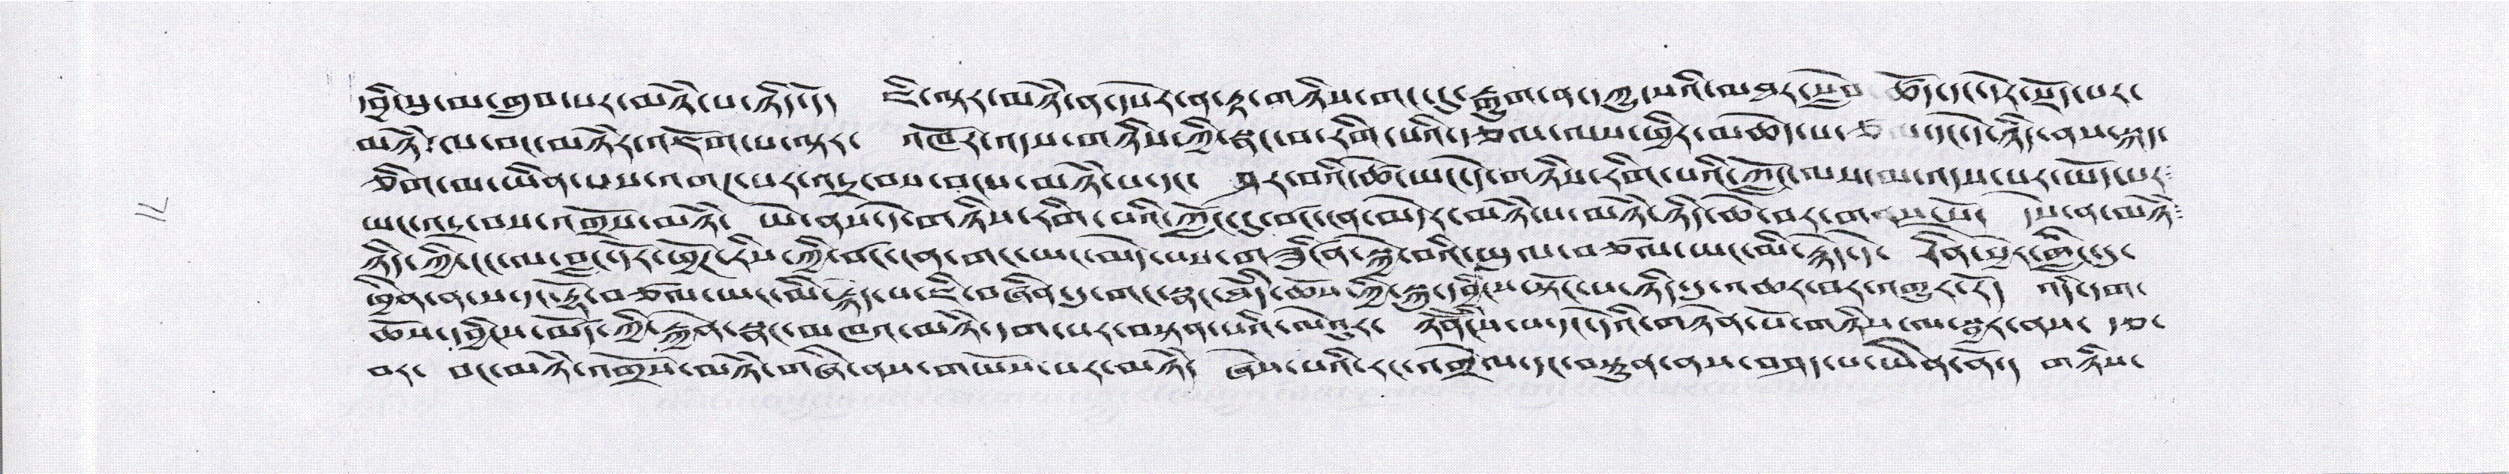དབྱིངས་སུ་གྲུབ་པར་མཉམ་པ་ཉིད་དོ། ཇི་ལྟར་མཉམ་ན་དཔེར་ན་རྟ་གཉིས་གང་དུ་རྒྱུགས་ན་དཀྱུ་བའི་མཐར་སླེབས་ཚོད་དང་དེར་སྡོད་པར་
མཉམ་ལ་བང་མཉམ་པར་འཇོག་པ་ལྟར། འཁོར་འདས་གཉིས་ཀྱི་སྣང་བ་རིག་པའི་རྩལ་ལས་ཕྱིར་མཆེད་པ་ཙམ་དང་དེ་ཉིད་ནས་སྐད་
ཅིག་མ་ཡིན་པས་འགགས་པར་འདྲ་བས་བང་མཉམ་པ་དང་། ཤར་བའི་ཚེ་ཡང་དེ་གཉིས་རིག་པའི་ཀློང་ལས་མ་འདས་པར་ཡོད་པར་
ཡང་འདྲ་བས་འགྲོས་མཉམ། ཡེ་ནས་དེ་གཉིས་རིག་པའི་ཀློང་དུ་བཟང་ངན་མེད་པར་མཉམ་པ་ཉིད་ཆེ་བར་གནས་སོ། དེས་ན་མཉམ་
ཉིད་ཀྱི་ངང་ལ་བླང་དོར་ཕྱོགས་རིས་ཀྱི་བཟང་ངན་གང་ཡང་མེད་པས་གཟུང་འཛིན་སྐྱེ་བའི་ཡུལ་བཙལ་ཡང་མི་རྙེད་དེ། རིན་ཆེན་གསེར་གླིང་དུ་
ཕྱིན་ན་ས་དང་རྡོ་བཙལ་ཡང་མི་རྙེད་པ་ཇི་བཞིན་དུ་གང་སྣང་ཐམས་ཅད་ཆོས་ཀྱི་སྐུ་དབྱིངས་སྟོང་པ་ཉིད་དུ་འཆར་བར་འགྱུར་རོ། འདི་དག་
ཆོས་དབྱིངས་མཛོད་ཀྱི་རྐྱེན་སྣང་མཁའ་མཉམ་དག་པར་བསྟན་པའི་ལེའུར། ཉོན་མོངས་པ་དང་དེའི་གཉེན་པོ་མཉམ་ལ་སྦྱར་ནས་རྩ་
བར། བང་མཉམ་འགྲོས་མཉམ་གཞི་ནས་གཡོས་པར་མཉམཿ ཞེས་པའི་རང་འགྲེལ་དང་བསྟུན་ནས་བཤད་པ་ཡིན་ནོ། གཉིས་